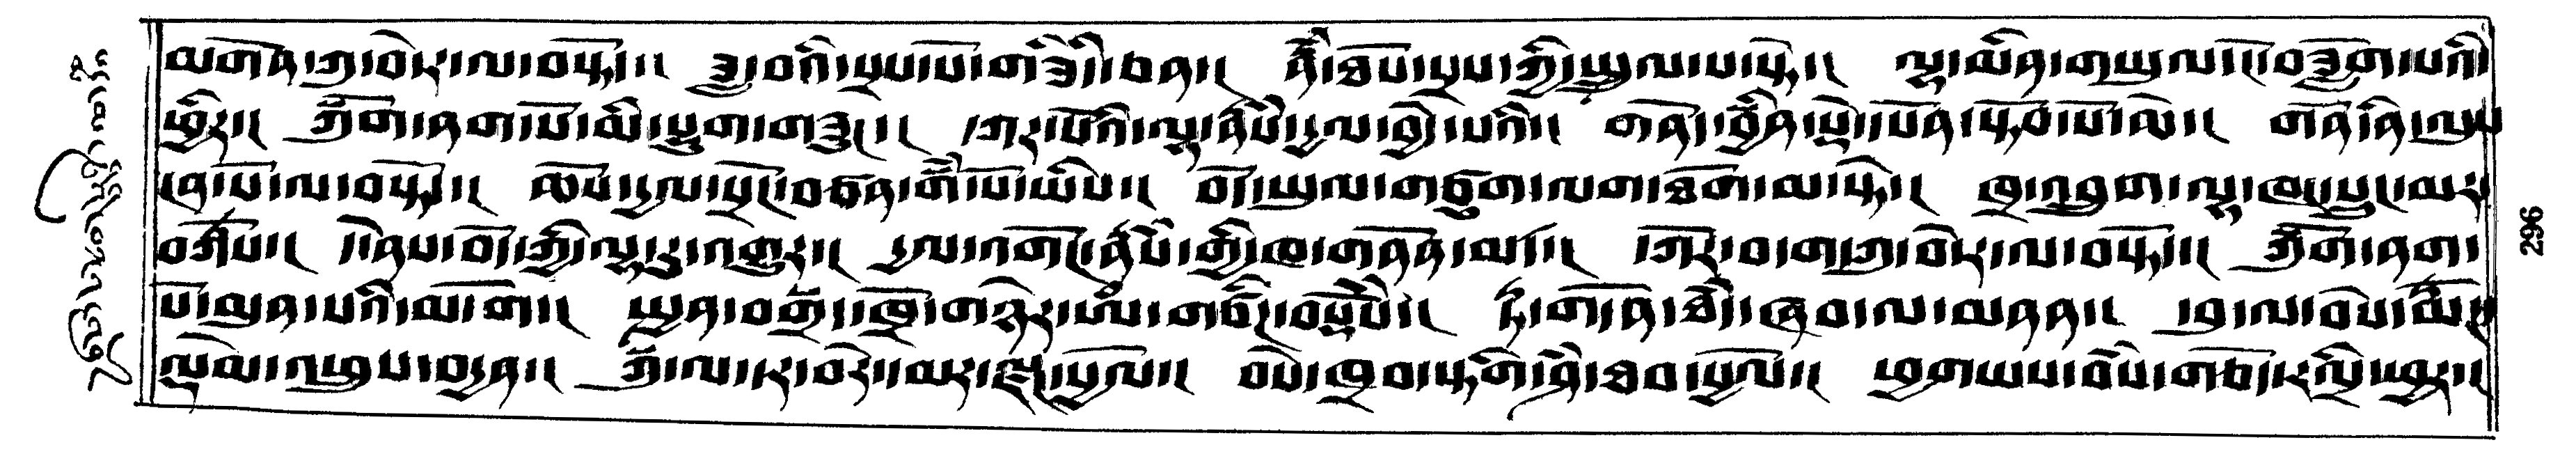མགོན་ཀུ་བེ་ར་ལ་བསྟོད། །ཟླ་བའི་སྲས་པོ་གཟི་བརྗིད་ཅན། །རྣམ་ཐོས་སྲས་ཀྱི་སྤྲུལ་པ་སྟེ། །ལྷ་མིན་གཡུལ་ངོ་བཟློག་པའི་
ཕྱིར། སྐུ་མདོག་ནག་པོ་མི་སྡུག་གཟུགས། དཀར་པོའི་ལྷ་རྣམས་རྒྱལ་བྱེད་པའི། །གནོད་སྦྱིན་སྡེ་དཔོན་སྟོབས་པོ་ཆེ། །གནོད་སྦྱིན་ལུས་
ངན་པོ་ལ་བསྟོད། །ཆོས་རྒྱལ་སྲོང་བཙན་སྒམ་པོ་ཡིས། བོད་ཡུལ་གཙུག་ལག་ཐོག་མ་སྟེ། །ཁྲ་འབྲུག་ལྷ་ཁང་སྲུང་མར་
བསྐོས། །དེ་ནས་བོད་ཀྱི་ལྷ་རུ་གྱུར། །རྒྱལ་འགོང་རྣམས་ཀྱི་ཁ་གནོན་མཛད། །དཀོར་བདག་ཀུ་བེ་ར་ལ་བསྟོད། །སྐུ་མདོག་ནག་
པོ་མུན་པའི་མདོག།སྤྱན་བསྒྲད་ཁྲོ་གཉེར་ཨཾ་གཙིགས་བསྡམས། །རྟ་གདོན་ཐམས་ཅད་ཞབས་ལ་མནན། །དབུ་ལ་བསི་རྨོག་
སྡེམ་འཕྲུས་བརྒྱན། །སྐུ་ལ་དར་བེར་དམར་ལྗང་གསོལ། །བསེ་ཁྲབ་སྟག་གི་ཤམ་ཐབ་གསོལ། །ཕྱག་གཡས་བསམ་གཅོད་རལ་གྲི་ཕྱར།